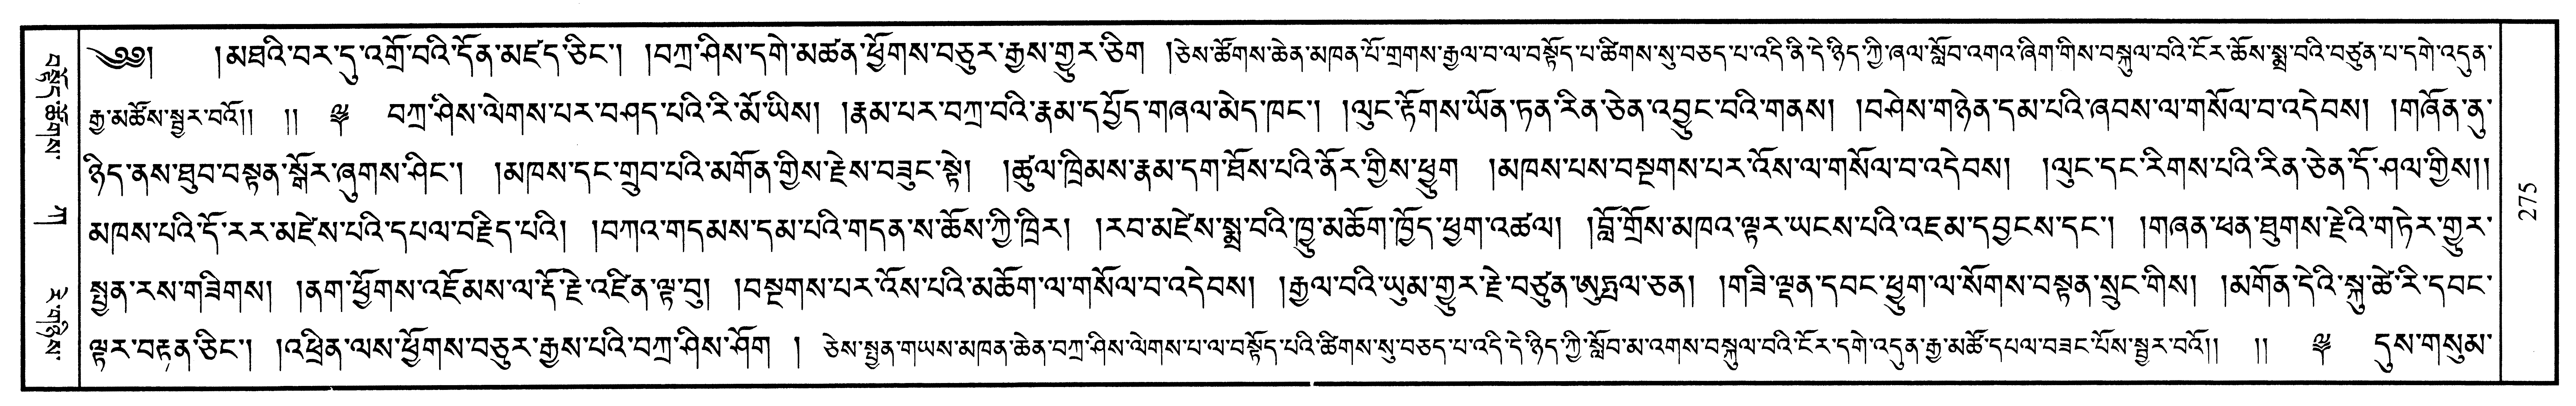༄༅། །མཐའི་བར་དུ་འགྲོ་བའི་དོན་མཛད་ཅིང་། །བཀྲ་ཤིས་དགེ་མཚན་ཕྱོགས་བཅུར་རྒྱས་གྱུར་ཅིག །ཅེས་ཚོགས་ཆེན་མཁན་པོ་གྲགས་རྒྱལ་བ་ལ་བསྟོད་པ་ཚིགས་སུ་བཅད་པ་འདི་ནི་དེ་ཉིད་ཀྱི་ཞལ་སློབ་འགའ་ཞིག་གིས་བསྐུལ་བའི་ངོར་ཆོས་སྨྲ་བའི་བཙུན་པ་དགེ་འདུན་
རྒྱ་མཚོས་སྦྱར་བའོ།། །། ༈ བཀྲ་ཤིས་ལེགས་པར་བཤད་པའི་རི་མོ་ཡིས། །རྣམ་པར་བཀྲ་བའི་རྣམ་དཔྱོད་གཞལ་མེད་ཁང་། །ལུང་རྟོགས་ཡོན་ཏན་རིན་ཅེན་འབྱུང་བའི་གནས། །བཤེས་གཉེན་དམ་པའི་ཞབས་ལ་གསོལ་བ་འདེབས། །གཞོན་ནུ་
ཉིད་ནས་ཐུབ་བསྟན་སྒོར་ཞུགས་ཤིང་། །མཁས་དང་གྲུབ་པའི་མགོན་གྱིས་རྗེས་བཟུང་སྟེ། །ཚུལ་ཁྲིམས་རྣམ་དག་ཐོས་པའི་ནོར་གྱིས་ཕྱུག །མཁས་པས་བསྔགས་པར་འོས་ལ་གསོལ་བ་འདེབས། །ལུང་དང་རིགས་པའི་རིན་ཅེན་དོ་ཤལ་གྱིས།།
མཁས་པའི་དོ་རར་མཛེས་པའི་དཔལ་བརྗིད་པའི། །བཀའ་གདམས་དམ་པའི་གདན་ས་ཆོས་ཀྱི་ཁྲིར། །རབ་མཛེས་སྨྲ་བའི་ཁྱུ་མཆོག་ཁྱོད་ཕྱག་འཚལ། །བློ་གྲོས་མཁའ་ལྟར་ཡངས་པའི་འཇམ་དབྱངས་དང་། །གཞན་ཕན་ཐུགས་རྗེའི་གཏེར་གྱུར་
སྤྱན་རས་གཟིགས། །ནག་ཕྱོགས་འཇོམས་ལ་རྡོ་རྗེ་འཛིན་ལྟ་བུ། །བསྔགས་པར་འོས་པའི་མཆོག་ལ་གསོལ་བ་འདེབས། །རྒྱལ་བའི་ཡུམ་གྱུར་རྗེ་བཙུན་ཨུཏྤལ་ཅན། །གཟི་ལྡན་དབང་ཕྱུག་ལ་སོགས་བསྟན་སྲུང་གིས། །མགོན་དེའི་སྐུ་ཚེ་རི་དབང་
ལྟར་བརྟན་ཅིང་། །འཕྲིན་ལས་ཕྱོགས་བཅུར་རྒྱས་པའི་བཀྲ་ཤིས་ཤོག །ཅེས་སྤྱན་གཡས་མཁན་ཆེན་བཀྲ་ཤིས་ལེགས་པ་ལ་བསྟོད་པའི་ཚིགས་སུ་བཅད་པ་འདི་དེ་ཉིད་ཀྱི་སློབ་མ་འགས་བསྐུལ་བའི་ངོར་དགེ་འདུན་རྒྱ་མཚོ་དཔལ་བཟང་པོས་སྦྱར་བའོ།། །། ༈ དུས་གསུམ་